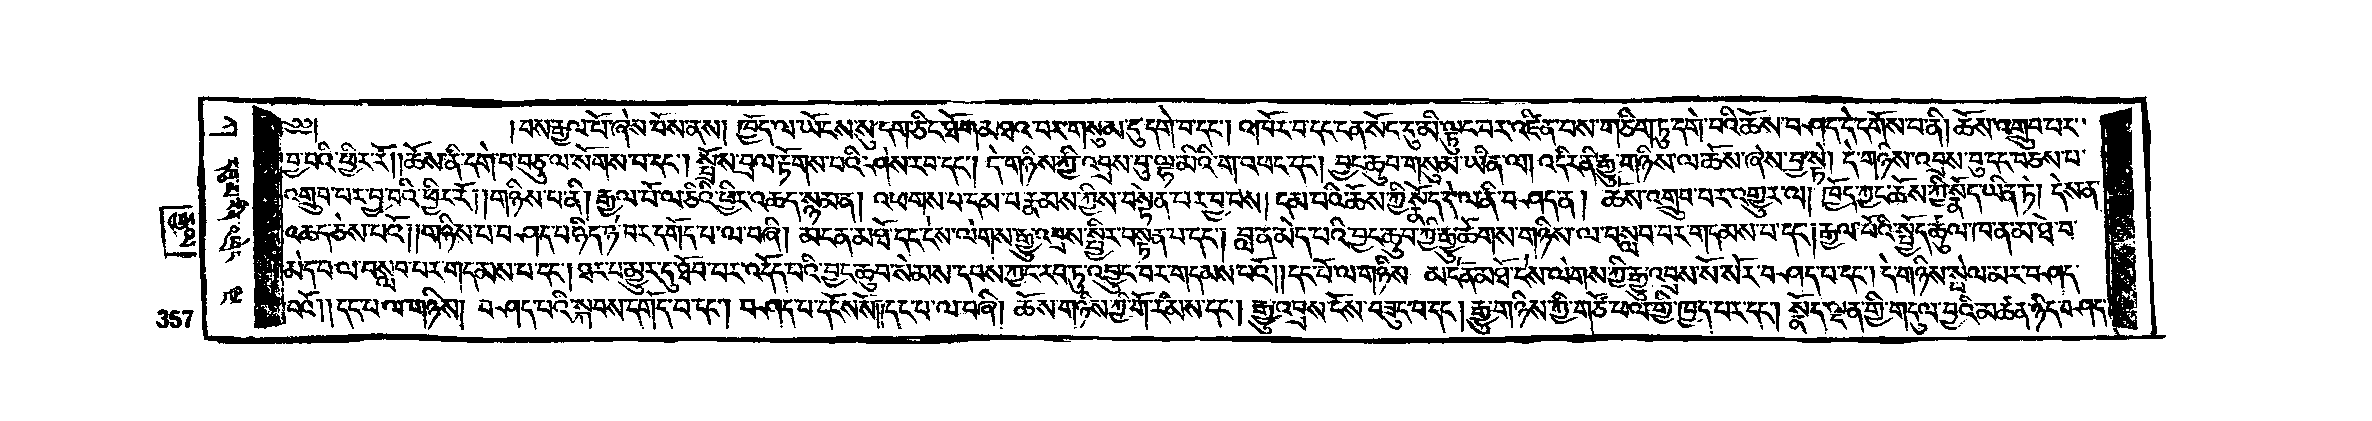༄༅། །བས་རྒྱལ་པོ་ཞེས་བོས་ནས། ཁྱོད་ལ་ཡོངས་སུ་དག་ཅིང་ཐོག་མཐའ་བར་གསུམ་དུ་དགེ་བ་དང་། འཁོར་བ་དང་ངན་སོང་དུ་མི་ལྟུང་བར་འཛིན་པས་གཅིག་ཏུ་དགེ་བའི་ཆོས་བཤད་དེ་དགོས་པ་ནི། ཆོས་འགྲུབ་པར་
བྱ་བའི་ཕྱིར་རོ། །ཆོས་ནི་དགེ་བ་བཅུ་ལ་སོགས་པ་དང་། སྤྲོས་བྲལ་རྟོགས་པའི་ཤེས་རབ་དང་། དེ་གཉིས་ཀྱི་འབྲས་བུ་ལྷ་མིའི་ག་འཕང་དང་། བྱང་ཆུབ་གསུམ་ཡིན་ལ། འདིར་ནི་རྒྱུ་གཉིས་ལ་ཆོས་ཞེས་བྱ་སྟེ། དེ་གཉིས་འབྲས་བུ་དང་བཅས་པ་
འགྲུབ་པར་བྱ་བའི་ཕྱིར་རོ། །གཉིས་པ་ནི། རྒྱལ་པོ་ལ་ཅིའི་ཕྱིར་འཆད་སྙམ་ན། འཕགས་པ་དམ་པ་རྣམས་ཀྱིས་བསྟེན་པར་བྱ་བས། དམ་པའི་ཆོས་ཀྱི་སྣོད་དེ་ལ་ནི་བཤད་ན། ཆོས་འགྲུབ་པར་འགྱུར་ལ། ཁྱོད་ཀྱང་ཆོས་ཀྱི་སྣོད་ཡིན་ཏེ། དེས་ན་
འཆད་ཅེས་པའོ། །གཉིས་པ་བཤད་པ་ཉིད་ཉེ་བར་དགོད་པ་ལ་བཞི། མངོན་མཐོ་དང་ངེས་ལེགས་རྒྱུ་འབྲས་སྤྱིར་བསྟན་པ་དང་། བླ་ན་མེད་པའི་བྱང་ཆུབ་ཀྱི་རྒྱུ་ཚོགས་གཉིས་ལ་བསླབ་པར་གདམས་པ་དང་། རྒྱལ་པོའི་སྤྱོད་ཚུལ་ཁ་ན་མ་ཐོ་བ་
མེད་པ་ལ་བསླབ་པར་གདམས་པ་དང་། ཐར་པ་མྱུར་དུ་ཐོབ་པར་འདོད་པའི་བྱང་ཆུབ་སེམས་དཔས་ཀྱང་རབ་ཏུ་འབྱུང་བར་གདམས་པའོ། །དང་པོ་ལ་གཉིས། མངོན་མཐོ་ངེས་ལེགས་ཀྱི་རྒྱུ་འབྲས་སོ་སོར་བཤད་པ་དང་། དེ་གཉིས་སྤེལ་མར་བཤད་
པའོ། །དང་པོ་ལ་གཉིས། བཤད་པའི་སྐབས་དགོད་པ་དང་། བཤད་པ་དངོས་སོ། །དང་པོ་ལ་བཞི། ཆོས་གཉིས་ཀྱི་གོ་རིམས་དང་། རྒྱུ་འབྲས་ངོས་བཟུང་བ་དང་། རྒྱུ་གཉིས་ཀྱི་གཙོ་ཕལ་གྱི་ཁྱད་པར་དང་། སྣོད་ལྡན་གྱི་གདུལ་བྱའི་མཚན་ཉིད་བཤད་